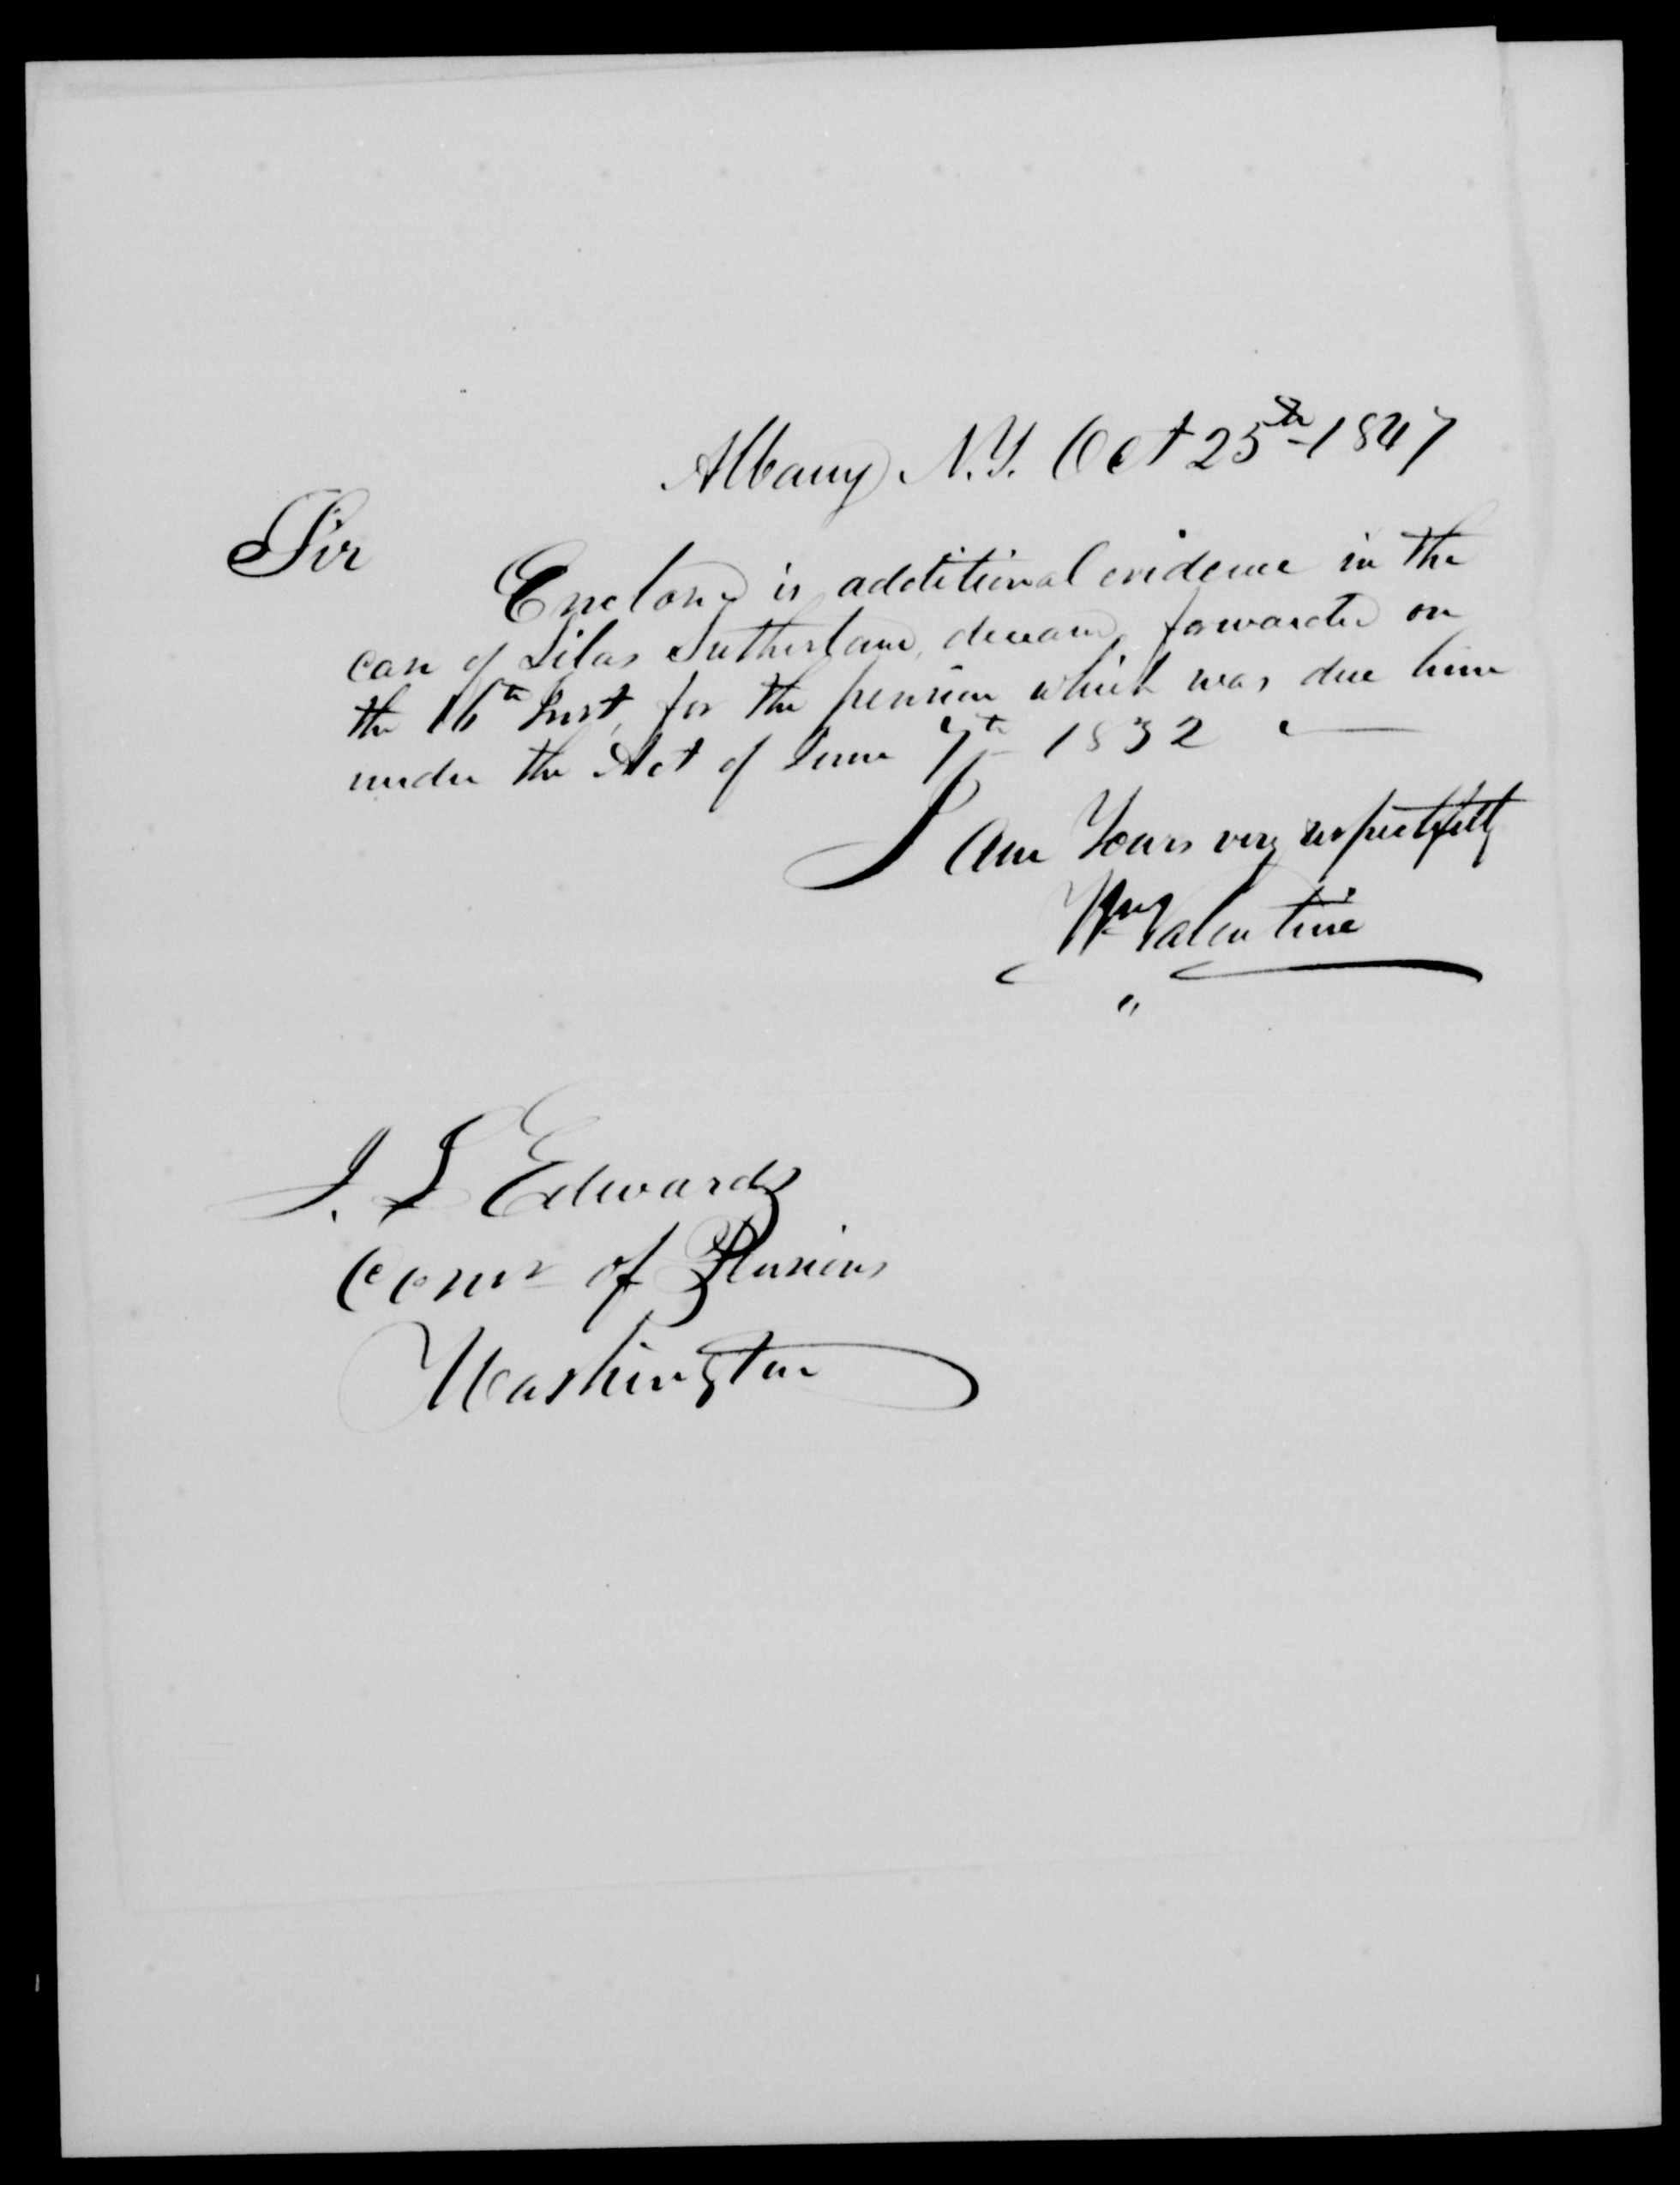Albany N.Y. Oct 25th 1847
Sir
Enclosed is additional evidence in the case of Silas Sutherland deceased, forwarded on the 16th Inst, for the pension which was due him under the Act of June 7th 1832.
I am Yours very respectfully 
Wm Valentine

J.L. Edwards
Comm of Pensions
Washington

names: Wm Valentine; Silas Sutherland; J L Edwards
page: 45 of 77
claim: survivor's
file: S. 23003, for Silas Southerland, New York